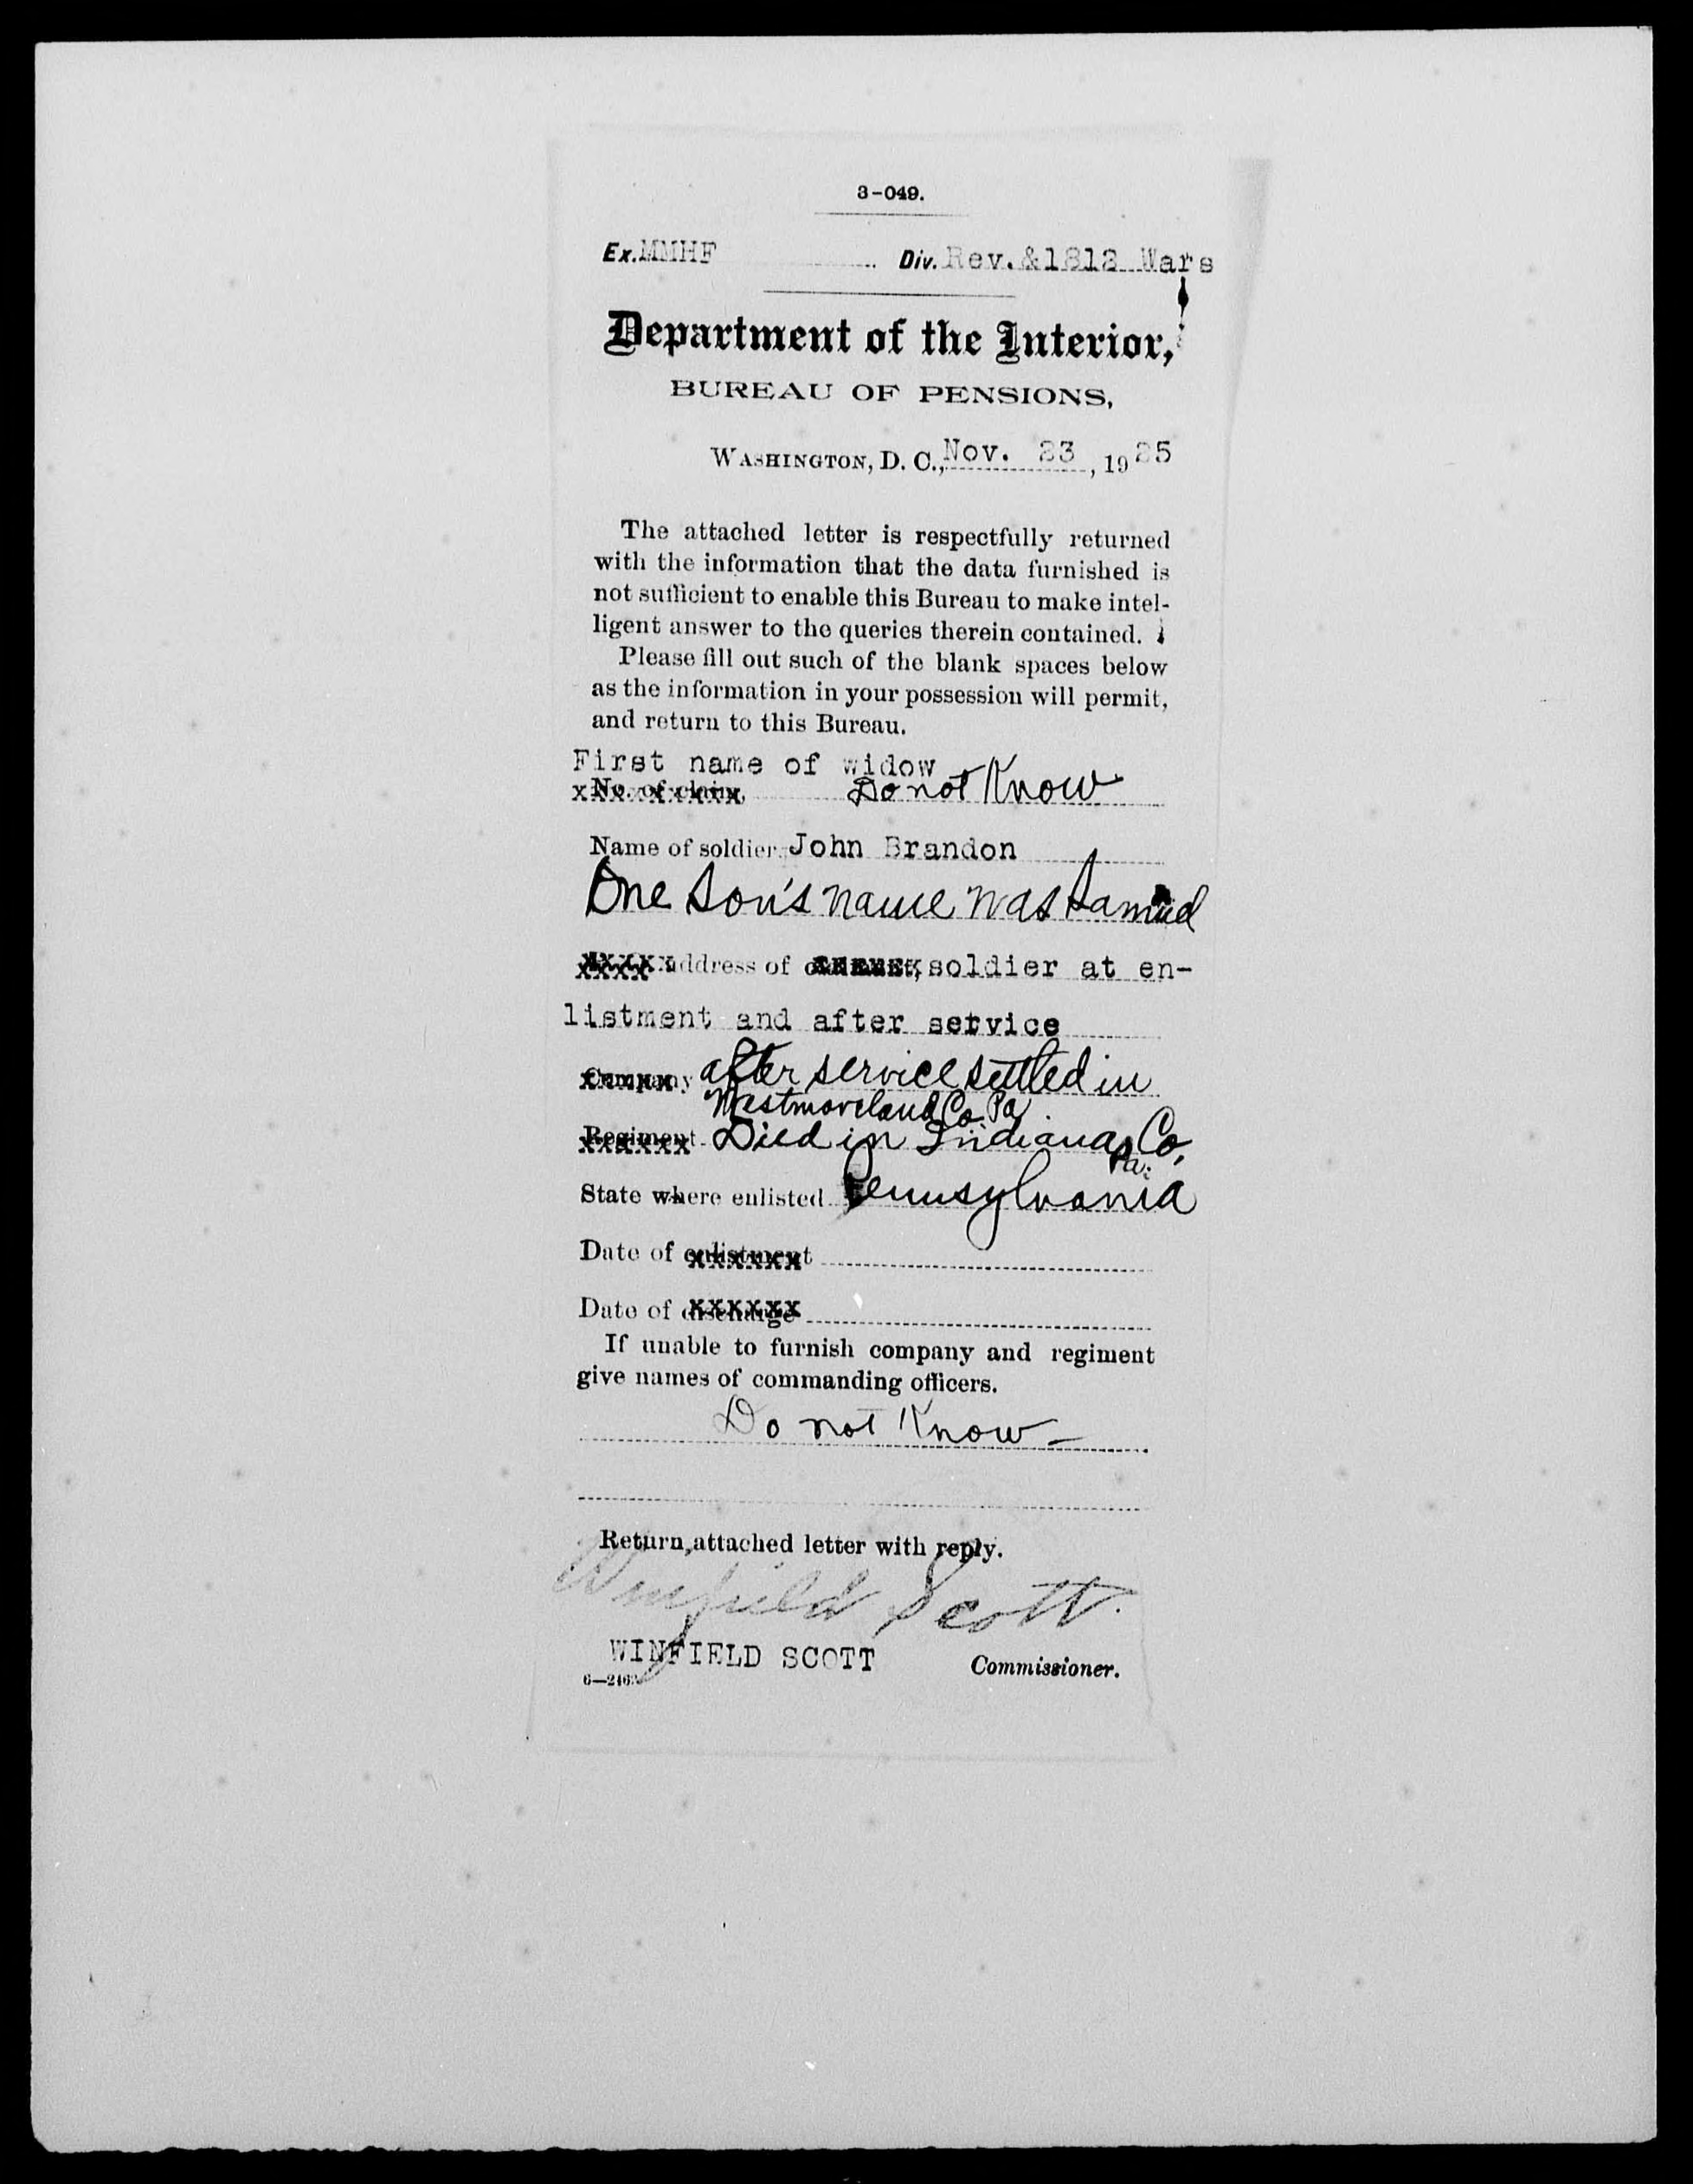3-049
-
Ex. MMHF Div. Rev.&1812 Wars
-
Department of the Interior,
BUREAU OF PENSIONS,
WASHINGTON, D.C., Nov. 23, 1925

The attached letter is respectfully returned with the information that the data furnished is not sufficient to enable this Bureau to make intelligent answer to the queries therein contained.
Please fill out such of the blank spaces below as the information in your possession will permit, and return to this Bureau.
First name of widow
Do not know
Name of soldier John Brandon
One son's name was Samuel
address of soldier at enlistment and after service
after service settled in Westmoreland Co. Pa.
Died in Indiana Co. Pa.
State where enlisted Pennsylvania
Date of xxxxx
Date of xxxxxx
If unable to furnish company and regiment give names of commanding officers.
Do not know
Return attached letter with reply.
Winfield Scott
WINFIELD SCOTT Commissioner.
6--216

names: Samuel, John Brandon, Winfield Scott, Winfield Scott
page: 77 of 83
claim: widow's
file: W. 5946, John Brandon, Penn